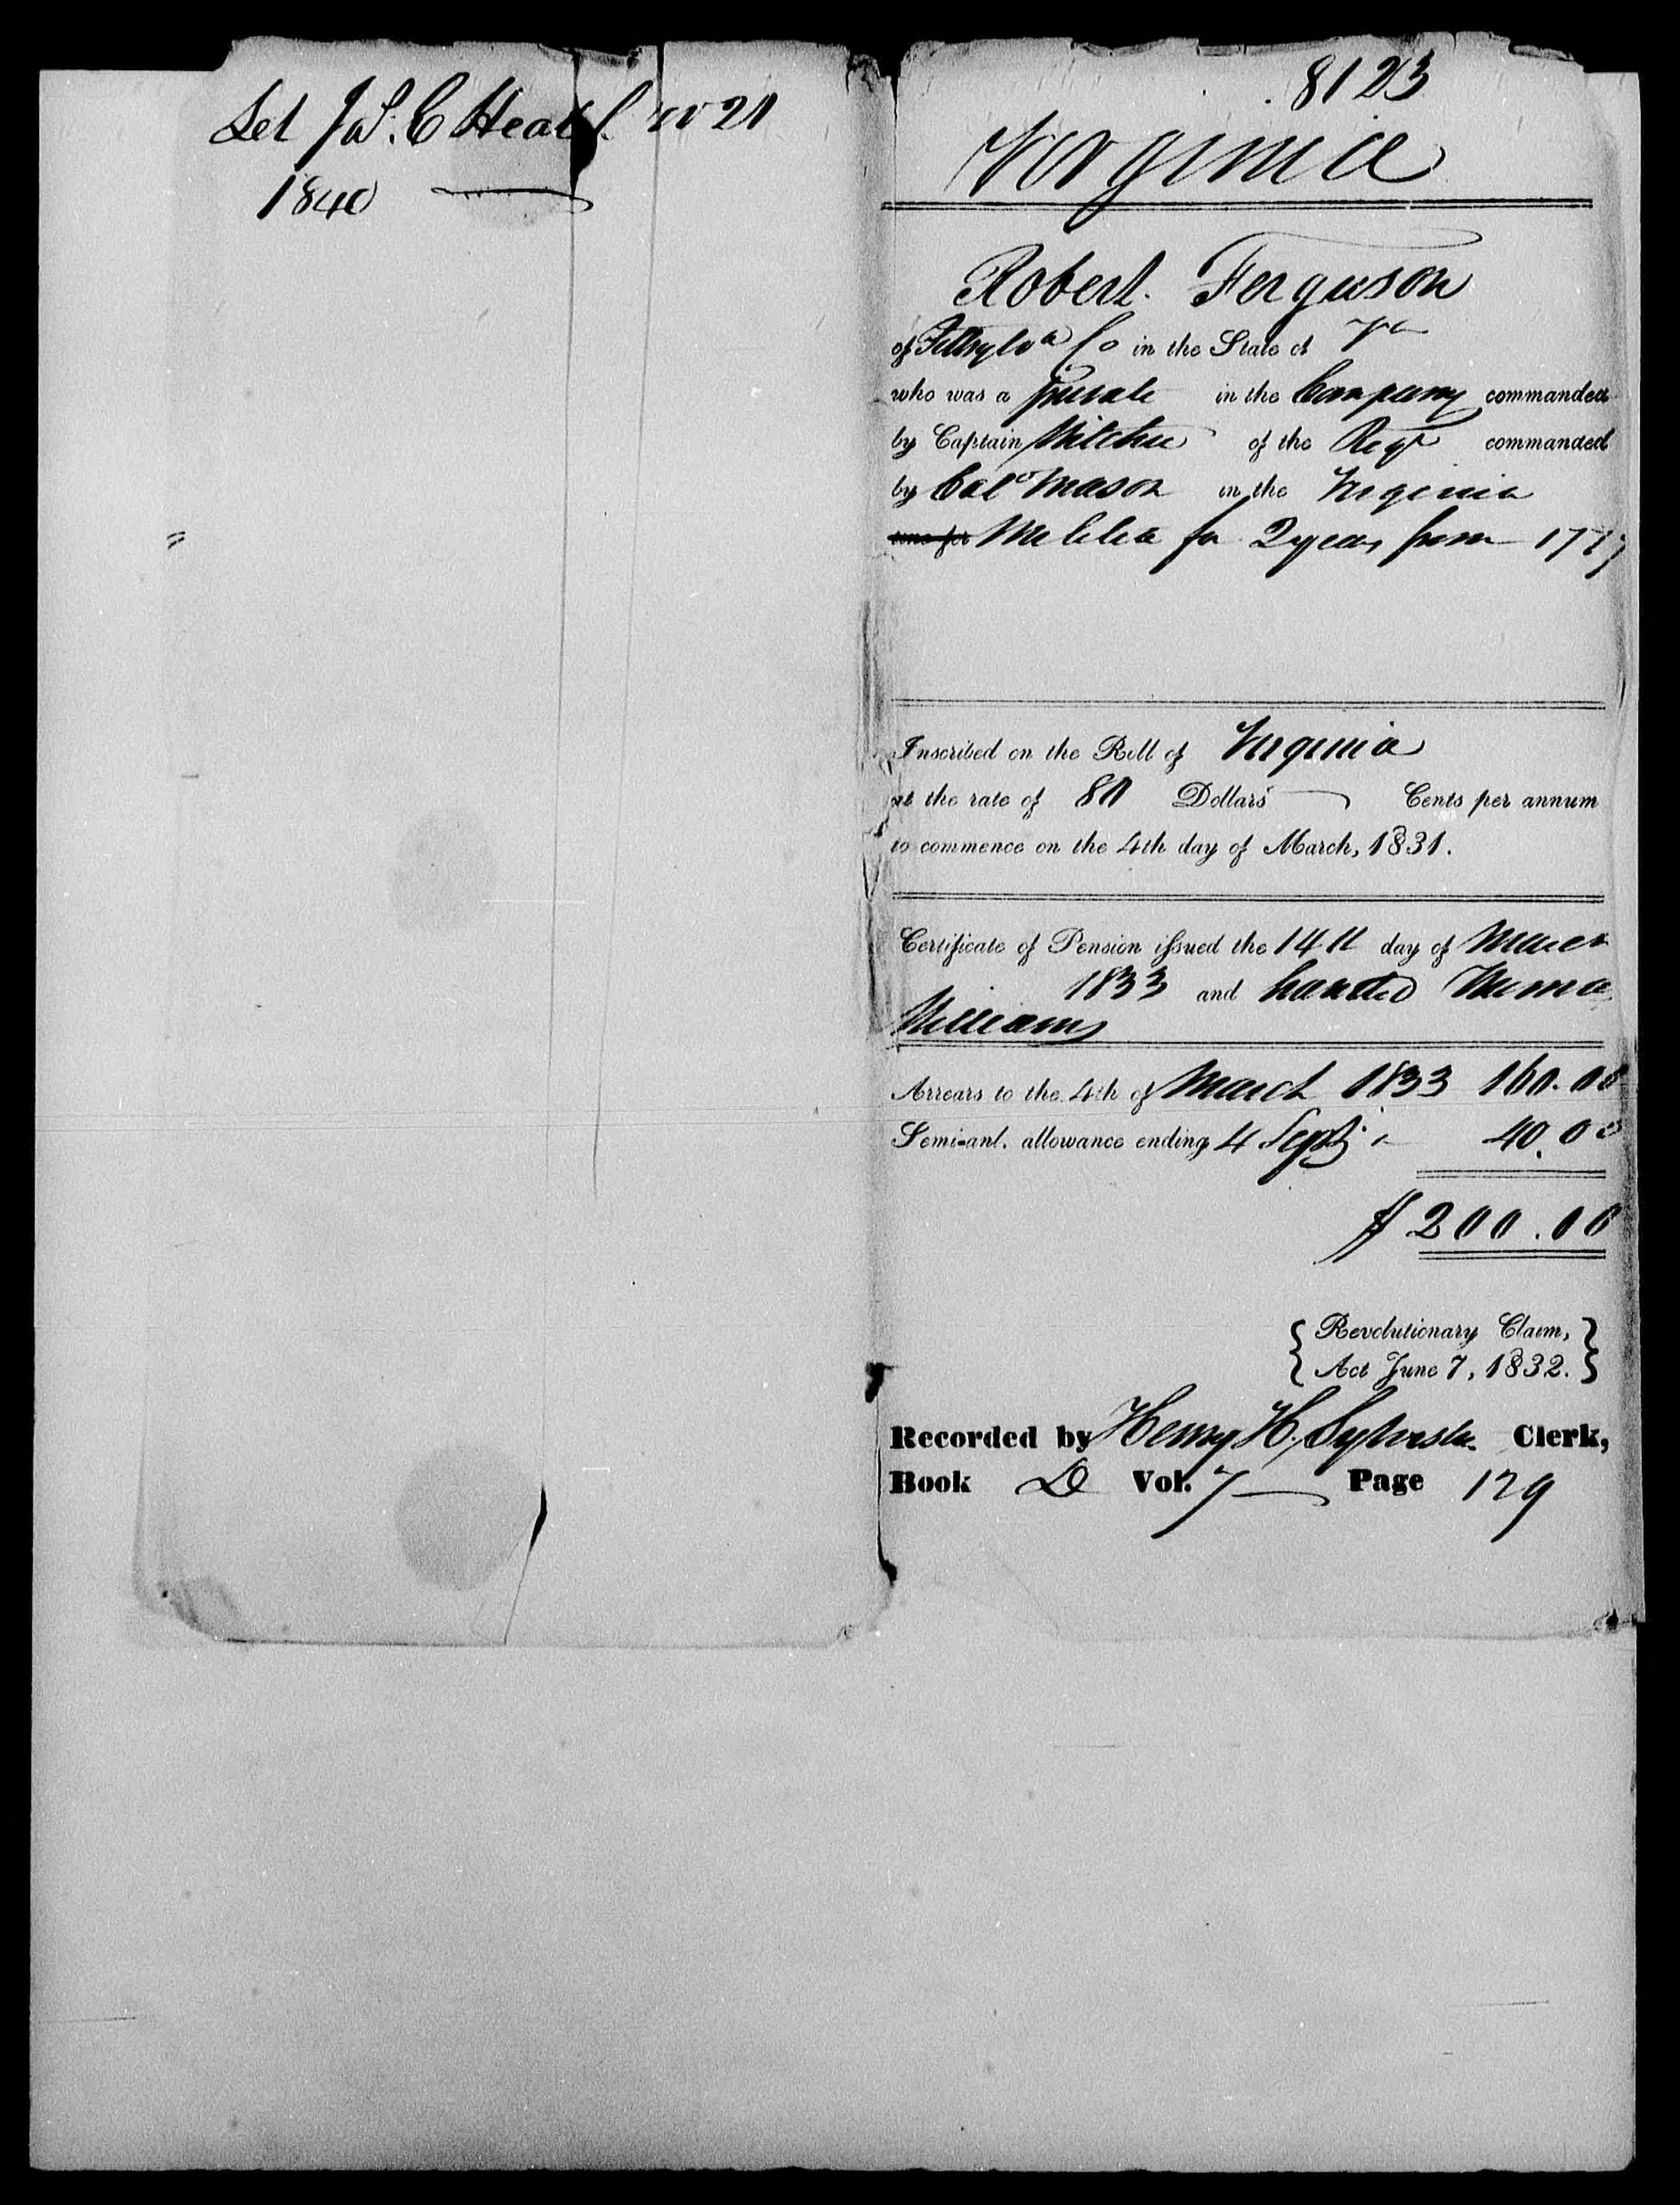8123
Virginia
Robert Ferguson of Pittsylvania Co. in the State of Va. who was a Private in the Company commanded by Captain Witcher of the Regt commanded by Col. Mason in the Virginia Militia for 2 years from 1779.

Inscribed on the Roll of Virginia at the rate of 80 Dollars -- Cents per annum to commence on the 4th day of March, 1831.

Certificate of Pension issued the 14th day of March 1833 and [illegible]

Arrears to the 4th of March 1833 160.00 [+]
Semi-anl. allowance ending 4 Sept. '33 40 = $200.00

Revolutionary Claim, Act June 7, 1832.

Recorded by Henry H. Sylvester, Clerk
Book D, Vol. 7, Page 129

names: Mason, Witcher, Thomas Williams, Henry H Sylvester, Jas C Heath, Robert Ferguson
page: 3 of 81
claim: widow's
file: W. 7262, Robert Ferguson, Va.